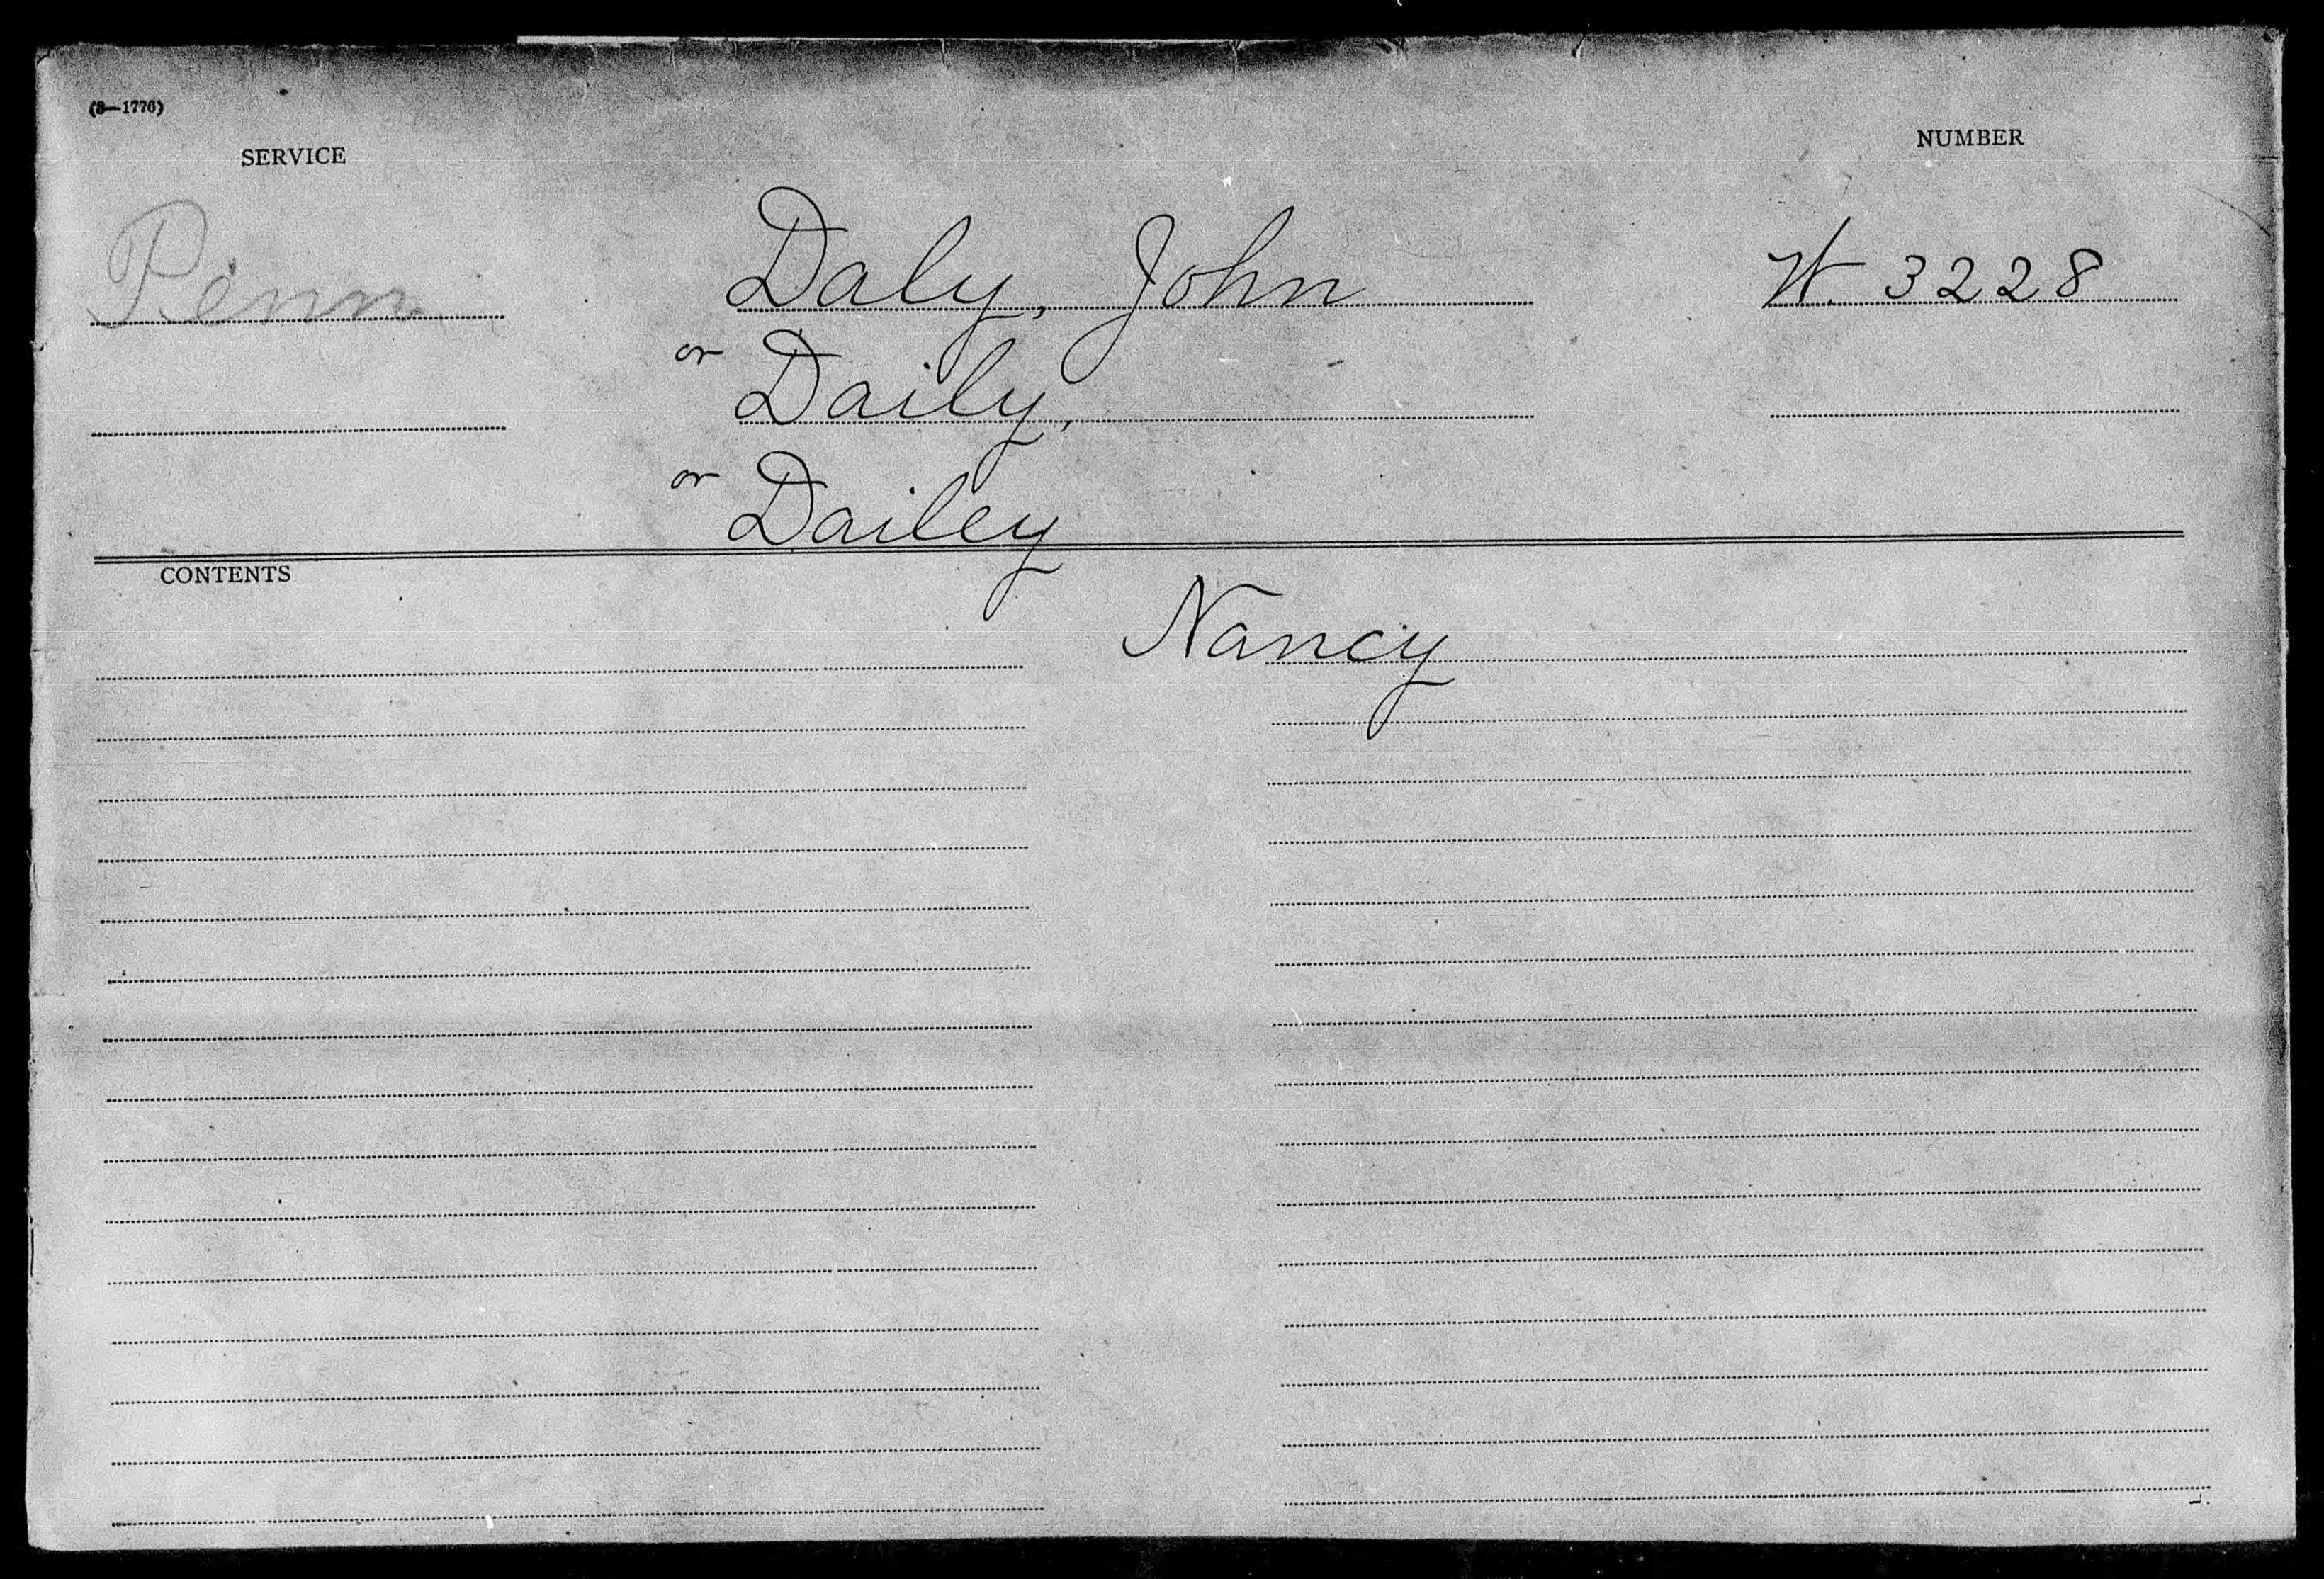Penn [Pennsylvania]  
Daly, John
Daily
Dailey

W3228

Nancy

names: John Dailey, John Dailey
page: 1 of 63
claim: widow's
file: W. 3228, John Daly, Penn.